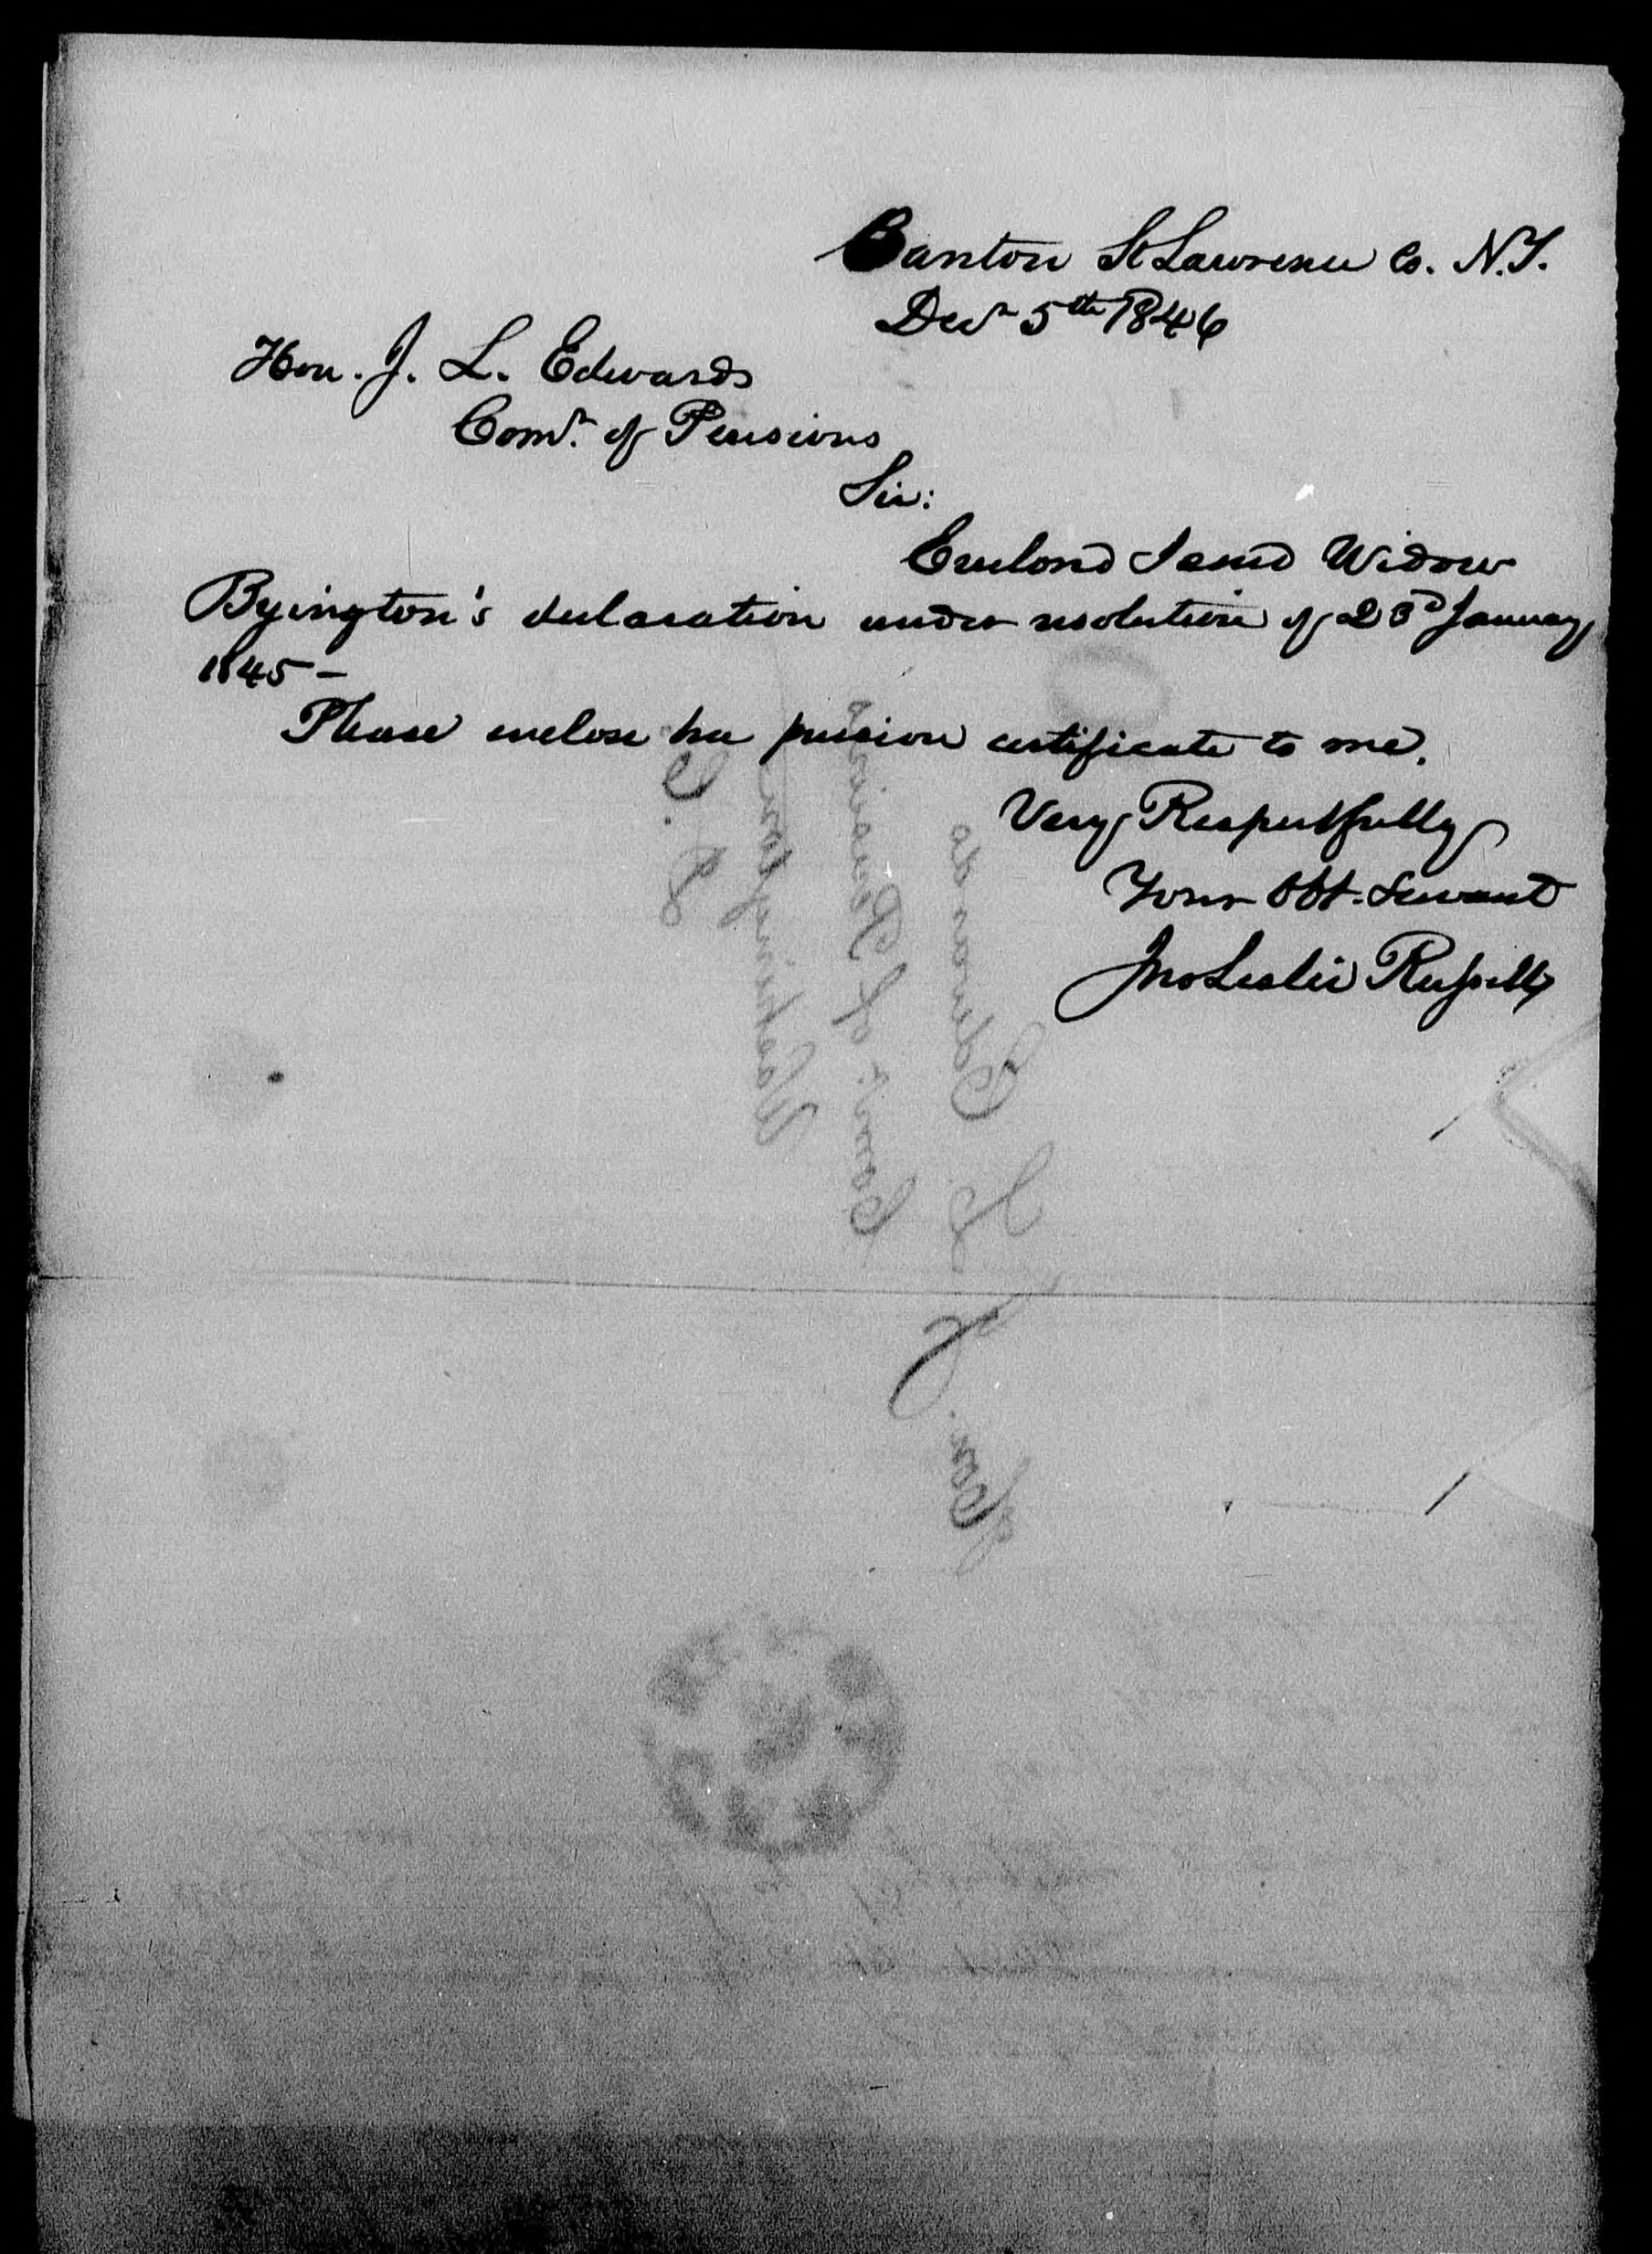Canton St. Lawrence Co. N.Y.
Dec. 5th 1846

Hon. J. L. Edwards
Com. of Pensions

Sir:
Enclosed I send widow Byington's declaration under resolution of 23rd January 1845-
Please enclose the pension certificate to me.
Very Respectfully
You obt. servant
Jno. Leslie Russell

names: Byington, Jno Leslie Russell, J L Edwards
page: 39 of 79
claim: widow's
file: W. 23754, Justus Byington, Conn.